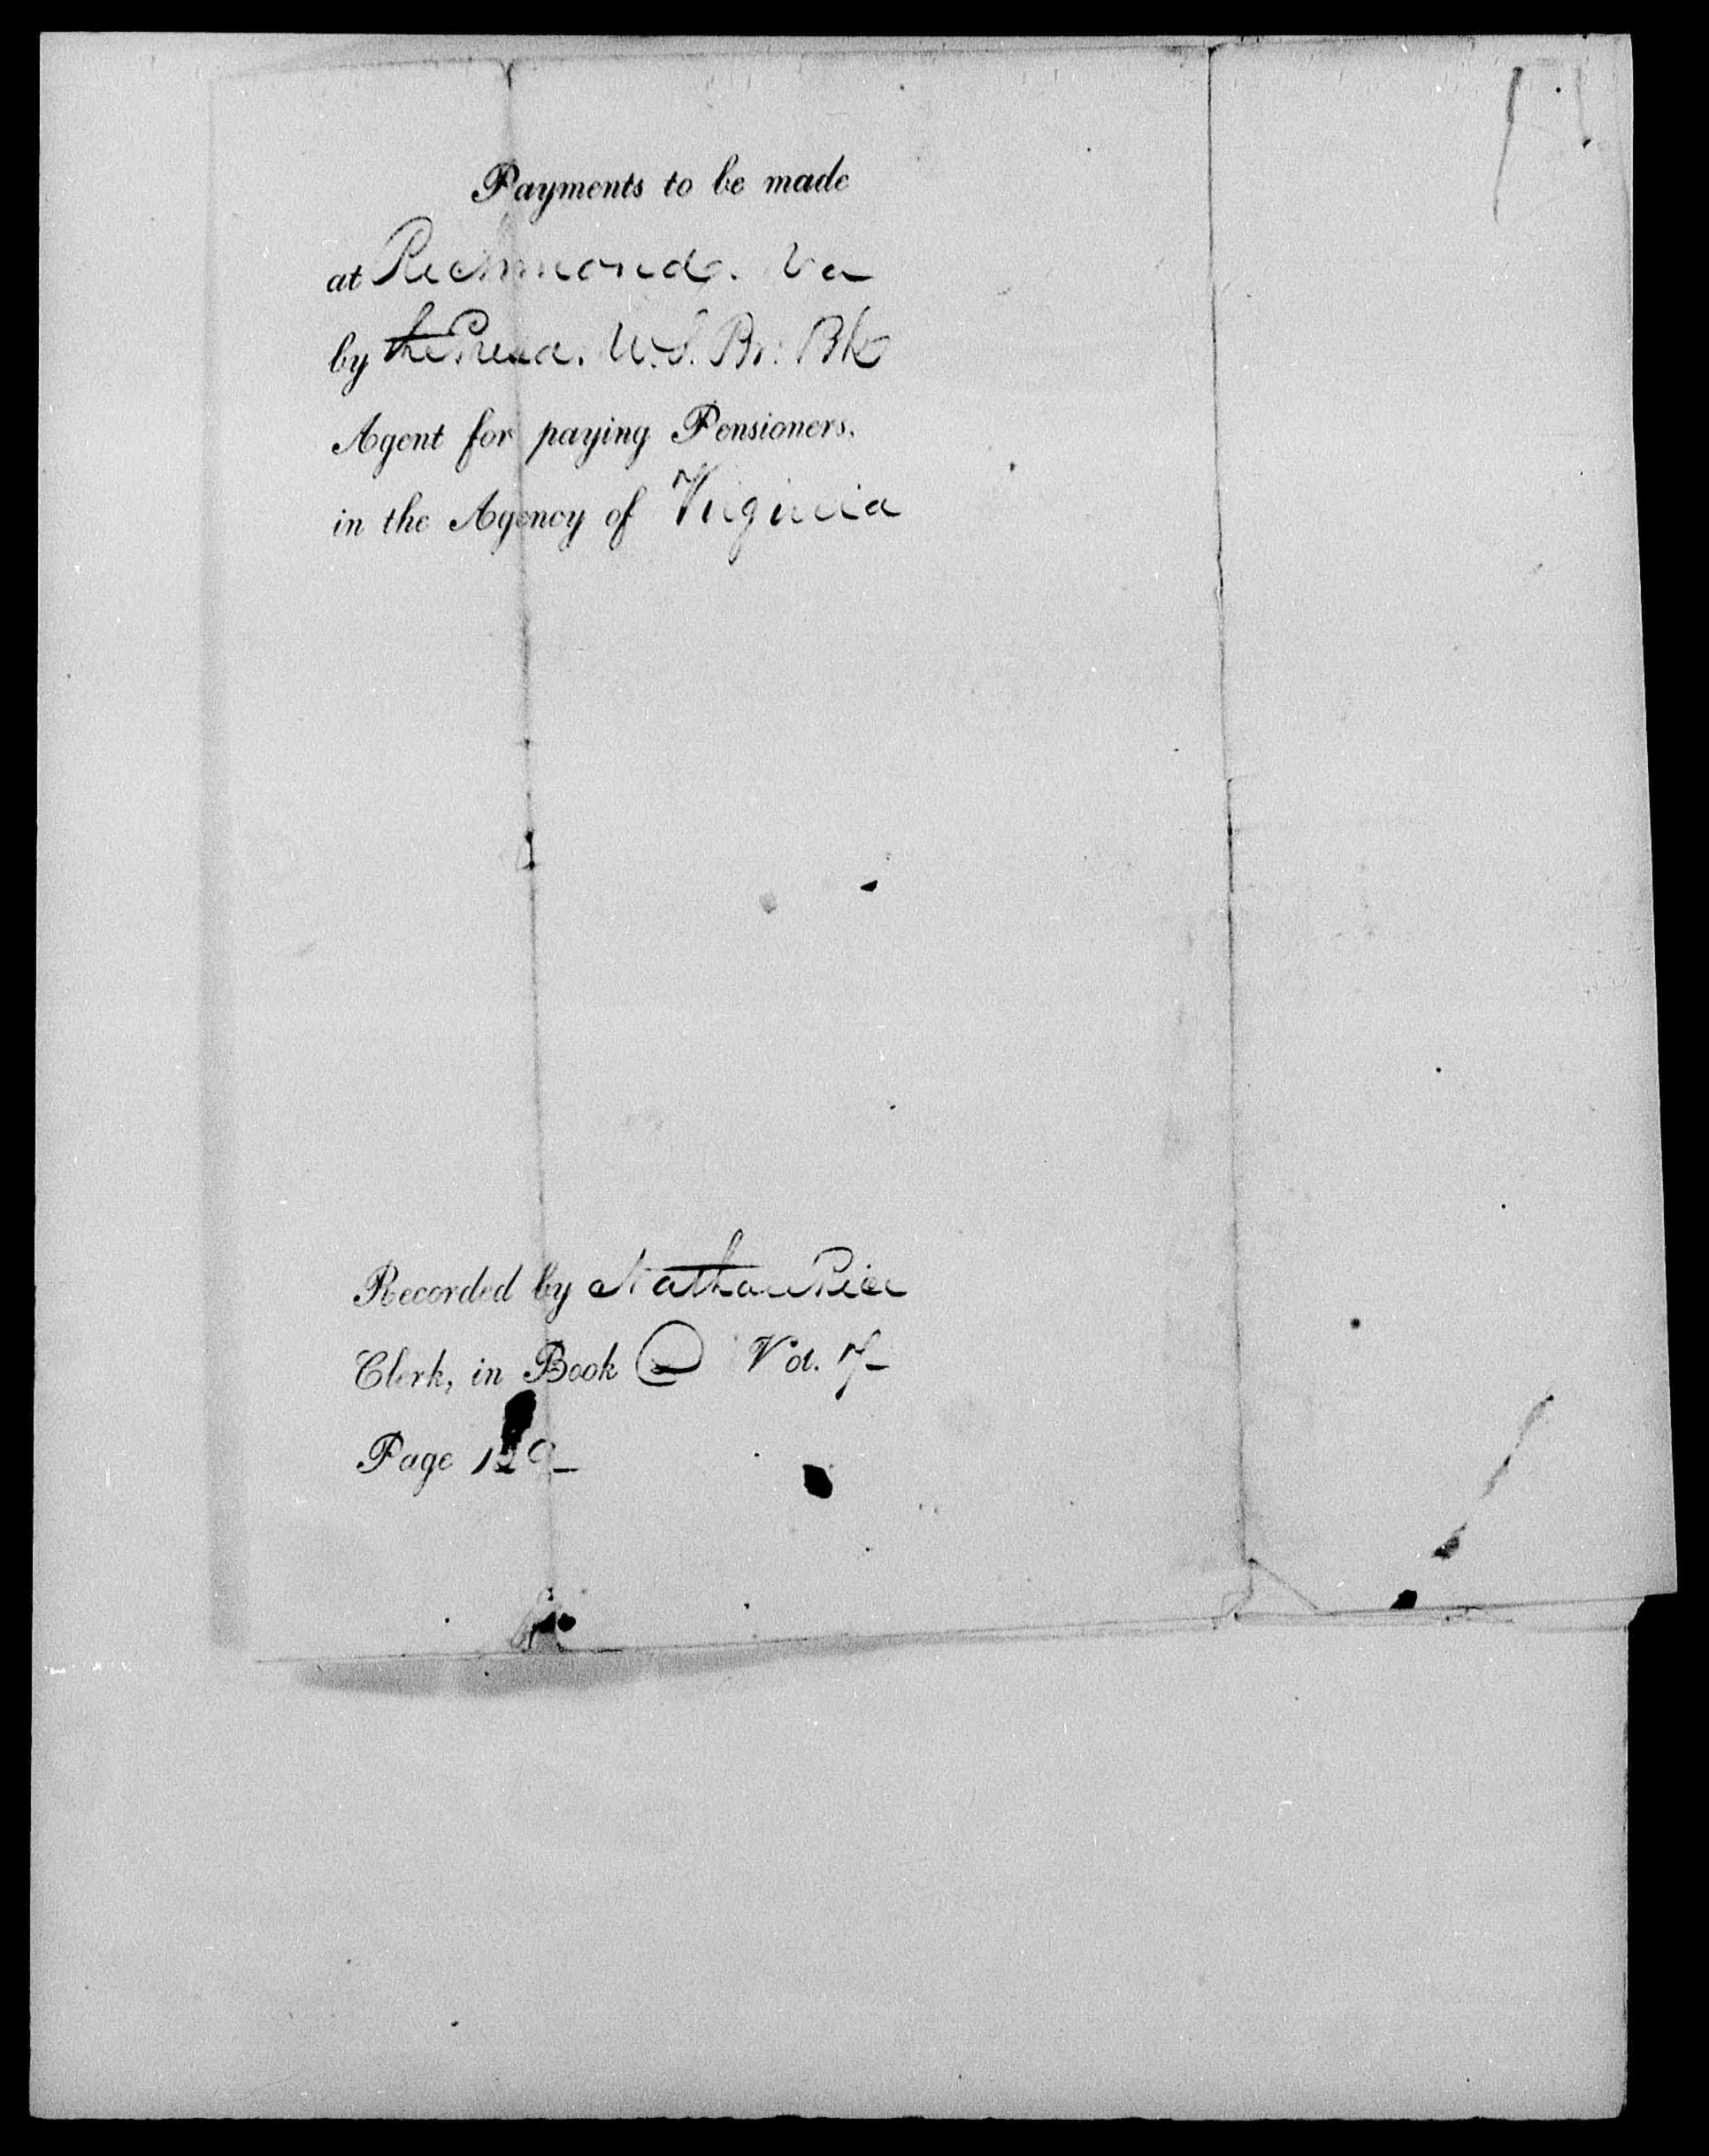Payments to be made
at Richmond Va
by the Presid. W. S. Br. Bk
Agent for paying Pensioners.
in the Agency of Virginia
Recorded
by Nathan Rice
Clerk, in Book D Vol. 7 
Page 129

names: Nathan Rice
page: 67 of 81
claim: widow's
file: W. 7262, Robert Ferguson, Va.